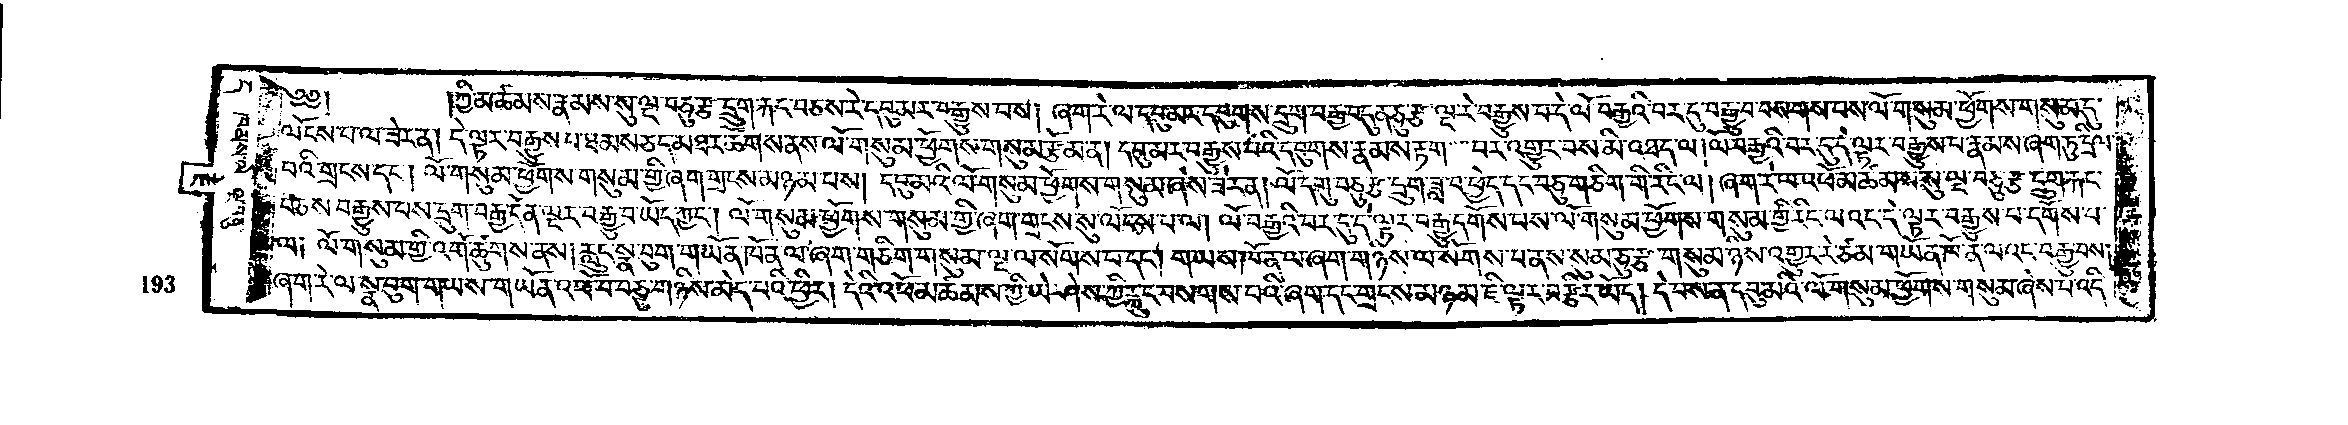༄༅། །ཀྱི་མཚམས་རྣམས་སུ་ལྔ་བཅུ་རྩ་དྲུག་རྐང་བཅས་རེ་དབུ་མར་བརྒྱུས་པས། ཞག་རེ་ལ་དབུ་མར་དབུགས་དྲུག་བརྒྱ་བདུན་ཅུ་རྩ་ལྔ་རེ་བརྒྱུས་པ་དེ་ལོ་བརྒྱའི་བར་དུ་བརྒྱུ་བ་བསགས་པས་ལོ་གསུམ་ཕྱོགས་གསུམ་དུ་
ལོངས་པ་ལ་ཟེར་ན། དེ་ལྟར་བརྒྱུས་པ་ཐམས་ཅད་མཐར་ཚོགས་ནས་ལོ་གསུམ་ཕྱོགས་གསུམ་རྩོམ་ན། དབུ་མར་བརྒྱུས་པའི་དབུགས་རྣམས་རྟག་པར་འགྱུར་བས་མི་འཐད་ལ། ལོ་བརྒྱའི་བར་དུ་དེ་ལྟར་བརྒྱུས་པ་རྣམས་ཞག་ཏུ་དྲིལ་
བའི་གྲངས་དང་། ལོ་གསུམ་ཕྱོགས་གསུམ་གྱི་ཞག་གྲངས་མཉམ་པས། དབུ་མའི་ལོ་གསུམ་ཕྱོགས་གསུམ་ཞེས་ཟེར་ན། ལོ་དགུ་བཅུ་རྩ་དྲུག་ཟླ་བ་ཕྱེད་དང་བཅུ་གཅིག་གི་རིང་ལ། ཞག་རེ་ལ་འཕོ་མཚམས་སུ་ལྔ་བཅུ་རྩ་དྲུག་རྐང་
བཅས་བརྒྱུས་པས་དྲུག་བརྒྱ་དོན་ལྔར་བརྒྱུ་བ་ཡོད་ཀྱང་། ལོ་གསུམ་ཕྱོགས་གསུམ་གྱི་ཞག་གྲངས་སུ་ལོངས་པ་ལ། ལོ་བརྒྱའི་བར་དུ་དེ་ལྟར་བརྒྱུ་དགོས་པས་ལོ་གསུམ་ཕྱོགས་གསུམ་གྱི་རིང་ལའང་དེ་ལྟར་བརྒྱུས་པ་དགོས་པ་
ལ། ལོ་གསུམ་གྱི་འགོ་ཚུགས་ནས། རླུང་སྣ་བུག་གཡོན་ཁོ་ན་ལ་ཞག་གཅིག་གསུམ་ལྔ་ལ་སོགས་པ་དང་། གཡས་ཁོ་ན་ལ་ཞག་གཉིས་ལ་སོགས་པ་ནས་སུམ་ཅུ་རྩ་གསུམ་ཉིས་འགྱུར་རེ་ཙམ་གཡོན་ཁོ་ན་ལའང་བརྒྱུ་བས།
ཞག་རེ་ལ་སྣ་བུག་གཡས་གཡོན་འཕོ་བ་བཅུ་གཉིས་མེད་པའི་ཕྱིར། དེའི་འཕོ་མཚམས་ཀྱི་ཡེ་ཤེས་ཀྱི་རླུང་བསགས་པའི་ཞག་དང་གྲངས་མཉམ་ཇི་ལྟར་བརྩིར་ཡོད། དེ་བས་ན་དབུ་མའི་ལོ་གསུམ་ཕྱོགས་གསུམ་ཞེས་པ་འདི་